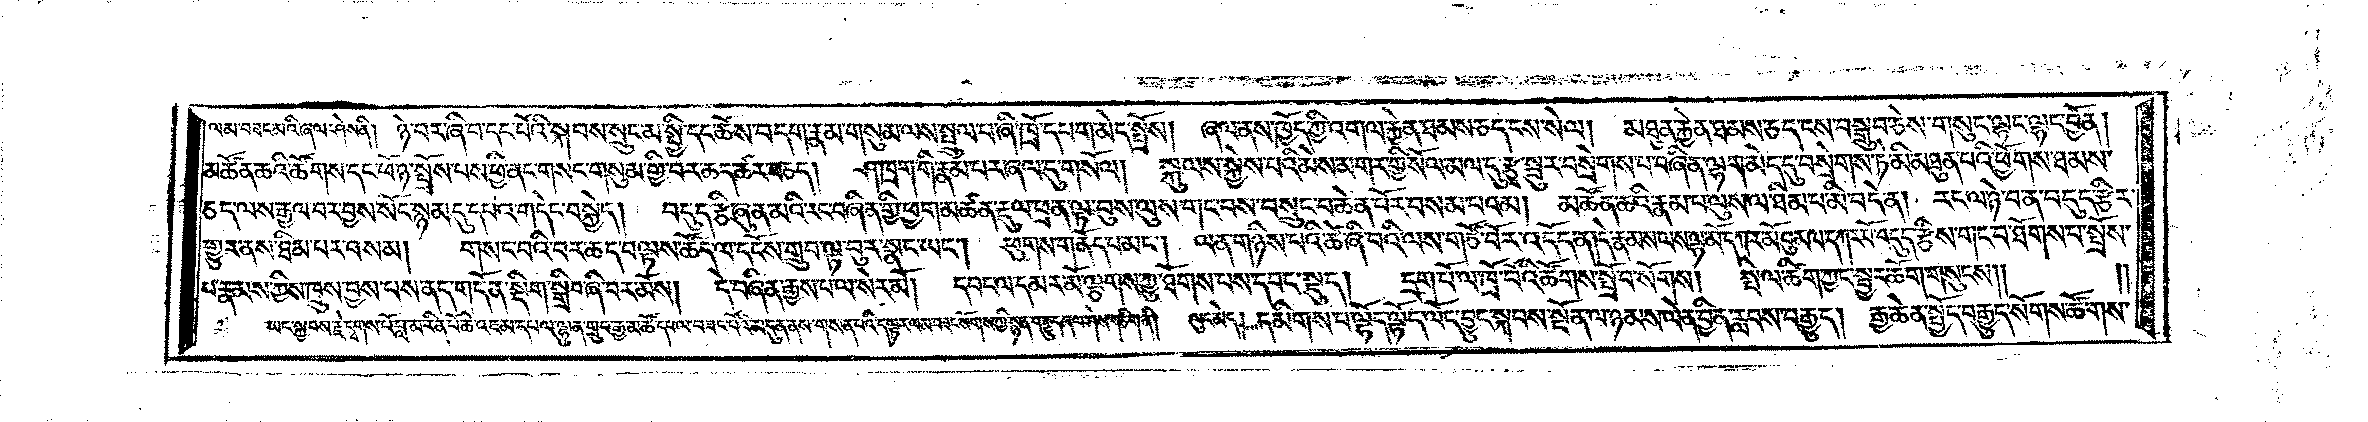ལམ་བཟང་མའི་ཞལ་ཤེས་ནི། ཉེ་བར་ཞི་བ་དང་པོའི་སྐབས་སྲུང་མ་སྤྱི་དང་ཆོས་བདག་རྣམ་གསུམ་ལས་སྤྲུལ་པ་ཞི་ཁྲོ་དཔག་མེད་སྤྲོས། ཞལ་ནས་ཁྱོད་ཀྱི་འགལ་རྐྱེན་ཐམས་ཅད་ངས་སེལ། མཐུན་རྐྱེན་ཐམས་ཅད་ངས་བསྒྲུབ་ཅེས་གསུང་ལྷང་ལྷང་བྱོན།
མཚོན་ཆའི་ཚོགས་དང་ཕོ་ཉ་སྤྲོས་པས་ཕྱི་ནང་གསང་གསུམ་གྱི་བར་ཆད་ཚར་བཅད། ཤ་ཁྲག་གི་རྣམ་པར་ཞལ་དུ་གསོལ། སྐུ་ལས་སྐྱེས་པའི་མེས་མགར་གྱི་སོལ་མལ་དུ་རྩྭ་སྦུར་བསྲེགས་པ་བཞིན་ལྷག་མེད་དུ་བསྲེགས་ཏེ་མི་མཐུན་པའི་ཕྱོགས་ཐམས་
ཅད་ལས་རྒྱལ་བར་བྱས་སོང་སྙམ་དུ་དཔའ་གདེང་བསྐྱེད། བདུད་རྩི་ཞུན་མའི་རང་བཞིན་གྱི་ཕྱག་མཚན་རྡུལ་ཕྲན་ལྟ་བུས་ལུས་གང་བས་བསྲུང་བ་ཆེན་པོར་བསམ་པའམ། མཚོན་ཆའི་རྣམ་པ་ལུས་ལ་ཐིམ་པ་མི་བདེ་ན། རང་ལ་ཉེ་བ་ན་བདུད་རྩིར་
གྱུར་ནས་ཐིམ་པར་བསམ། གསང་བའི་བར་ཆད་བལྟས་ཚོད་ལ་དངོས་གྲུབ་ལྟ་བུར་སྣང་ཡང་། ཕུགས་གནོད་པ་མང་། ལན་གཉིས་པའི་ཚེ་ཞི་བའི་ལས་གཙོ་བོར་འདོད་ན་།དེ་རྣམས་ལས་ལྷ་མོ་དཀར་མོ་བུམ་ལ་དཀར་པོ་བདུད་རྩིས་གང་བ་ཐོགས་པ་སྤྲོས་
པ་རྣམས་ཀྱིས་ཁྲུས་བྱས་པས་ནད་གདོན་སྡིག་སྒྲིབ་ཞི་བར་མོས། དེ་བཞིན་རྒྱས་པ་ལ་སེར་མོ། དབང་ལ་དམར་མོ་ལྕགས་ཀྱུ་ཐོགས་པས་དབང་སྡུད། དྲག་པོ་ལ་ཁྲོ་བོའི་ཚོགས་སྤྲོ་བ་སོགས། སྤེལ་ཚིག་ཀྱང་སྦྱར་ཆོག་གསུངས།། །།
༈ ཡང་སྐྱབས་རྗེ་དྭགས་པོ་བླ་མ་རིན་པོ་ཆེ་འཇམ་དཔལ་ལྷུན་གྲུབ་རྒྱ་མཚོ་དཔལ་བཟང་པོའི་མདུན་ནས་གསན་པའི་ད་ལྟར་ལམ་བཟང་སོགས་ཀྱི་སྙན་བརྒྱུད་ཞལ་ཤེས་གཅིག་ནི། ལུང་མེད་དམིགས་པ་ལྷོད་ལྷོད་ལོང་བྱུང་སྐབས་སྔོན་ལ་ཉམས་ལེན་བྱིན་རླབས་བརྒྱུད།  རྒྱ་ཆེན་སྤྱོད་བརྒྱུད་སོགས་ཚོགས་